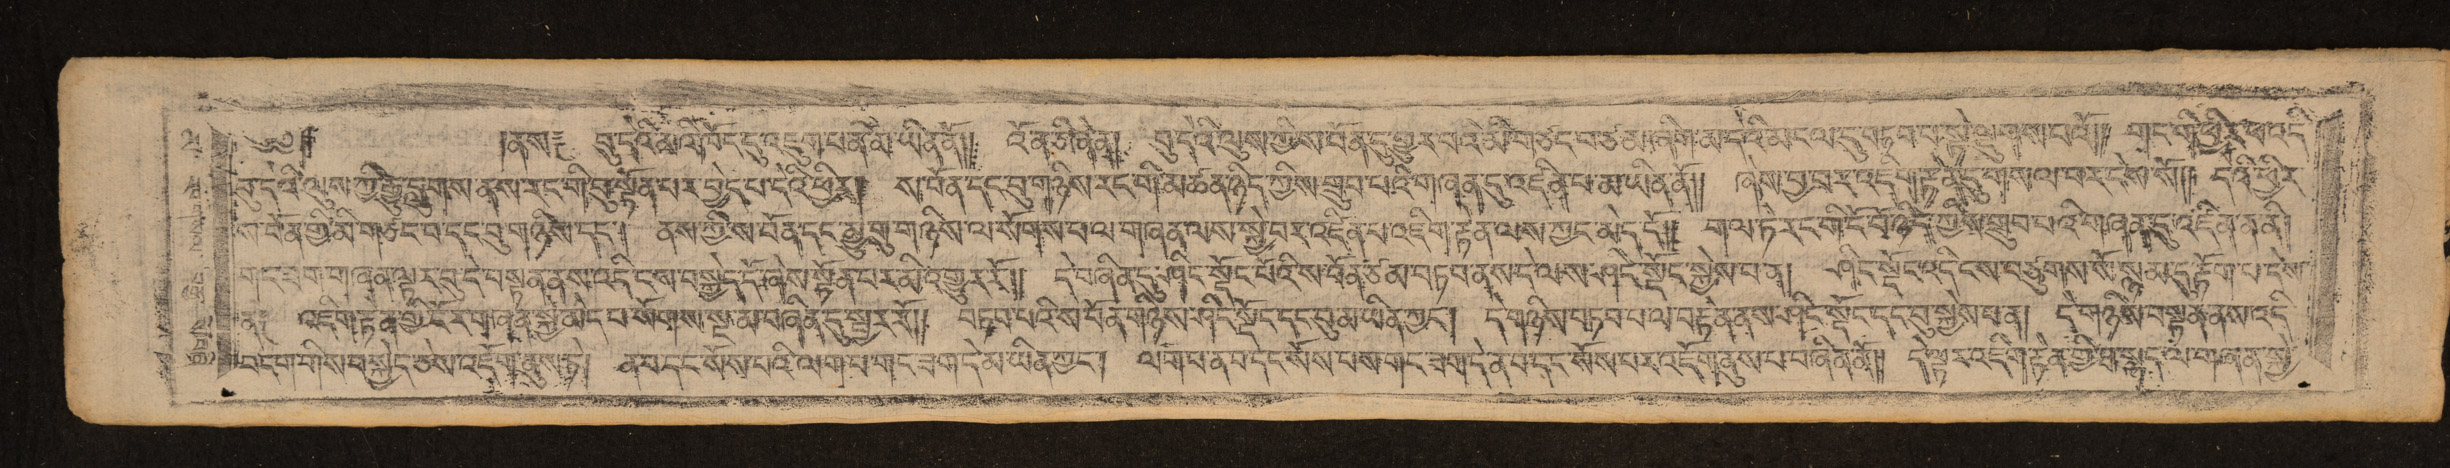༄༅། །ནས༑ བུ་དེའི་མའི་ཁོང་དུ་འཇུག་པ་ནི་མ་ཡིན་ནོ།། འོ་ན་ཅི་ཞེ་ན། བུ་དེའི་ལུས་ཀྱི་ས་བོན་དུ་གྱུར་པའི་མི་གཙང་བ་ཙམ་ཞིག་མ་དེའི་མངལ་དུ་བཏབ་པ་སྟེ་ལྡུགས་པའོ།། གང་གི་ཕྱིར་ཕ་འདི་
བུ་དེའི་ལུས་ཀྱི་རྒྱུ་བླུགས་ནས་རང་གི་བུ་སྟོན་པར་བྱེད་པ་དེའི་ཕྱིར། ས་བོན་དང་བུ་གཉིས་རང་གི་མཚན་ཉིད་ཀྱིས་གྲུབ་པའི་གཞན་དུ་འཛིན་པ་མ་ཡིན་ནོ།། ཞེས་བྱ་བར་འཇིག་རྟེན་དུ་གསལ་བར་ངེས་སོ།། དེའི་ཕྱིར་
ས་བོན་གྱི་མི་གཙང་བ་དང་བུ་གཉིས་དང་། ནས་ཀྱི་ས་བོན་དང་མྱུ་གུ་གཉིས་ལ་སོགས་པ་ལ་གཞན་ལས་སྐྱེ་བར་འཛིན་པ་འཇིག་རྟེན་ལས་ཀྱང་མེད་དོ།། གལ་ཏེ་རང་གི་ངོ་བོ་ཉིད་ཀྱིས་གྲུབ་པའི་གཞན་དུ་འཛིན་ན་ནི།
གང་ཟག་གཞན་ལྟར་བུ་དེ་བསྟན་ནས་འདི་ངས་བསྐྱེད་དོ་ཞེས་སྟོན་པར་མི་འགྱུར་རོ།། དེ་བཞིན་དུ་ཤིང་སྡོང་པོའི་ས་བོན་ཙམ་བཏབ་ནས་དེ་ལས་ཤིང་སྡོང་སྐྱེས་པ་ན། ཤིང་སྡོང་འདི་ངས་བཙུགས་སོ་སྙམ་དུ་རྟོག་པ་དེས་
ན༑ འཇིག་རྟེན་གྱི་ངོར་གཞན་སྐྱེ་མེད་པ་སོགས་སྔ་མ་བཞིན་དུ་སྦྱར་རོ།། བཏབ་པའི་ས་བོན་གཉིས་ཤིང་སྡོང་དང་བུ་མ་ཡིན་ཀྱང་། དེ་གཉིས་བཏབ་པ་ལ་བརྟེན་ནས་ཤིང་སྡོང་དང་བུ་སྐྱེས་པ་ན། དེ་གཉིས་བསྟན་ནས་འདི་
བདག་གིས་བསྐྱེད་ཅེས་འཇོག་ནུས་ཏེ། ན་བ་དང་སོས་པའི་ལག་པ་གང་ཟག་དེ་མ་ཡིན་ཀྱང་། ལག་པ་ན་བ་དང་སོས་པས་གང་ཟག་དེ་ན་བ་དང་སོས་པར་འཇོག་ནུས་པ་བཞིན་ནོ།། དེ་ལྟར་འཇིག་རྟེན་གྱི་ཐ་སྙད་ལ་གཞན་སྐྱེ་